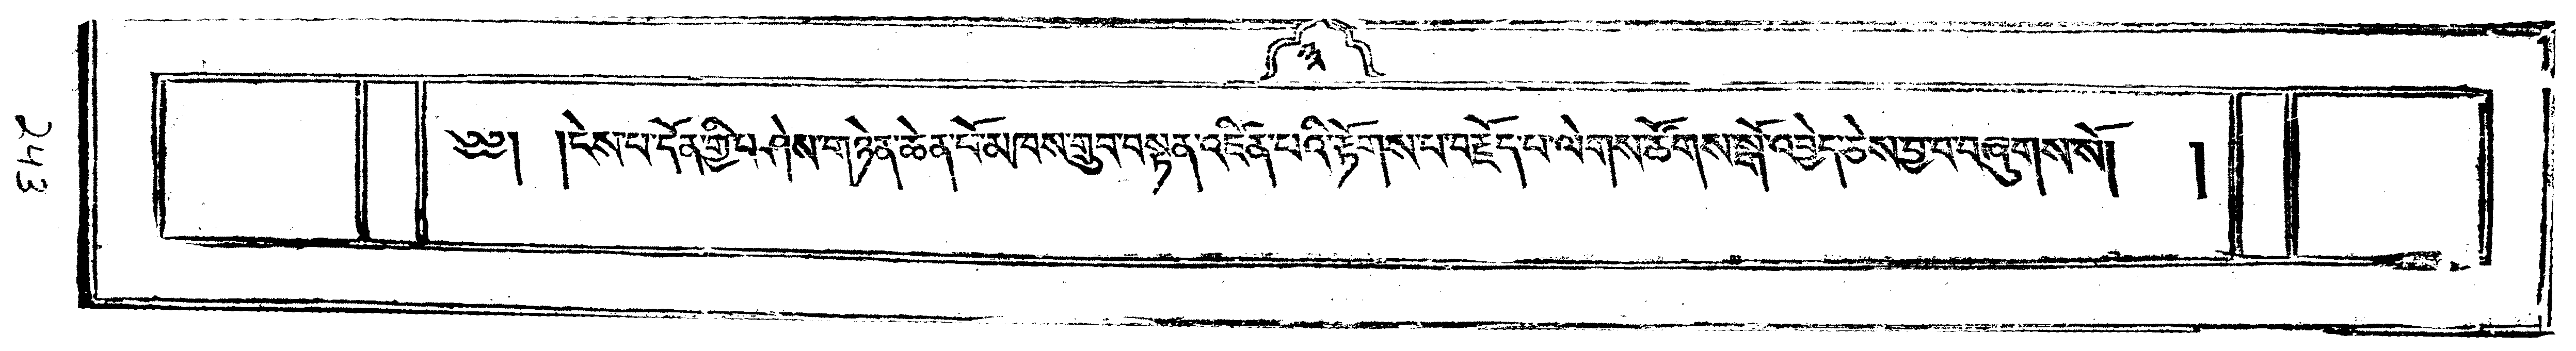༄༅། །ངེས་པ་དོན་གྱི་མཁས་གྲུབ་ཆེན་པོ་མཁས་གྲུབ་བསྟན་འཛིན་པའི་རྟོགས་པ་བརྗོད་པ་ལེགས་ཚོགས་སྒོ་བ་བྱེད་ཅེས་ཁྱབ་བཞུགས་སོ། །